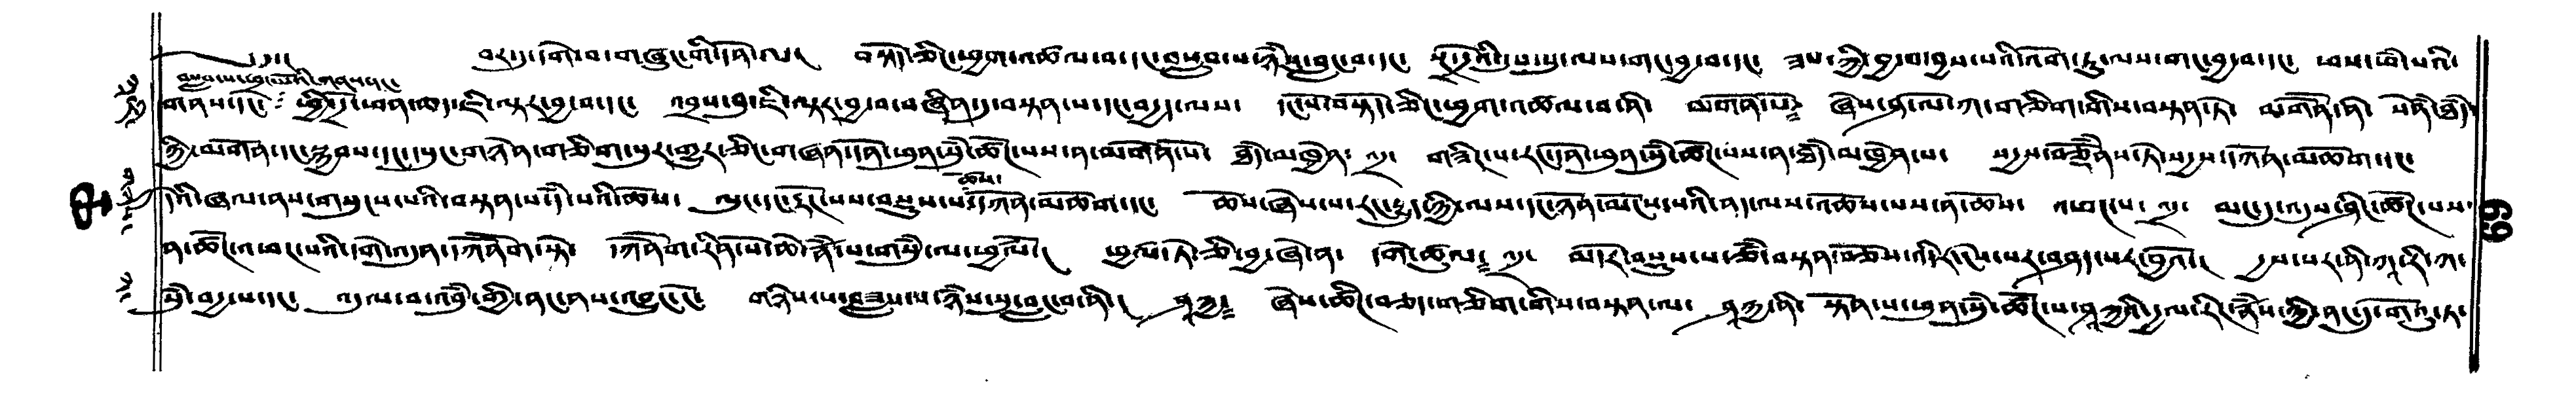བར་དུ་དགེ་བ་གཞུང་གི་དོན་ལ། བསྟོད་ཅིང་ཕྱག་འཚལ་བ་དང་། བསླབ་པ་ཉམས་སུ་བླང་བ་དང་། སྔ་དྲོའི་དུས་སུ་ལས་གང་བྱ་བ་དང་། ཟས་ཀྱི་བྱ་བ་བྱས་པའི་འོག་ཏུ་ལས་གང་བྱ་བ་དང་། ཕས་ཕམ་པའི་
གནས་དང་། བསླབ་པ་ཕྲ་མོའི་གནས་དང་། ཕྱི་དྲོ་ཕན་ཆད་ཇི་ལྟར་བྱ་བ་དང་། འབྲས་བུ་ཐོབ་ཚུལ་ཇི་ལྟ་བ་བཞིན་བསྟན་པ་དང་བརྒྱད་ལས། དང་པོ་བསྟོད་ཅིང་ཕྱག་འཚལ་བ་ནི། མགོན་པོ༴ཞེས་ཤྭ་ལོ་ཀ་གཅིག་གིས་བསྟན་ཏེ། མགོན་པོ་ནི་སེམས་ཅན་ཐམས་ཅད་
ཀྱི་མགོན་དང་སྐྱབས་དང་དཔུང་གཉེན་གཅིག་པུར་གྱུར་ཅིང་གཞན་དོན་ཕུན་སུམ་ཆོགས་པས་ན་མགོན་པོ། ཐམས་ཅད་མཁྱེན༴འདྲ། གཟིགས་པ་རང་དོན་ཕུན་སུམ་ཚོགས་པས་ན་ཐམས་ཅད་མཁྱེན་པ། སངས་རྒྱས་བཅོམ་ལྡན་འདས་ཏེ་སངས་རྒྱས་དཀོན་མཆོག་དང་། 
དེའི་ཞལ་ནས་གསུངས་པའི་བསྟན་པ་དམ་པའི་ཆོས། ལུང་དང་རྟོགས་པས་བསྡུས་པ་ཆོས་དཀོན་མཆོག་དང་། ཆོས་ཞེས་པ་རང་རྒྱུད་ཀྱི་ལས་དང་ཉོན་མོངས་པའི་ནད་ལས་འཆོས་པས་ན་ཆོས། འཕགས་པ༴འདྲ། མང་དུ་འདུས་ཤིང་ཚོགས་པས་
ན་ཚོགས་འཕགས་པའི་དགེ་འདུན་དཀོན་མཆོག་སྟེ།དཀོན་མཆོག་རིན་པོ་ཆེ་རྣམ་པ་གསུམ་ལ་ཕྱག་འཚལ་ལོ། ཕྱག་འཚལ་ཏེ་ཅི་བྱ་ཞེ་ན། དགེ་ཚུལ༴འདྲ། མདོར་བསྡུས་པ་ཙམ་བསྟན་བཅོས་འདིར་ངེས་པར་བཤད་པར་བྱའོ། རྒྱས་པར་ནི་ཀཱ་རི་ཀ་
སུམ་བརྒྱ་པ་དང་། འདུལ་བ་འབུམ་གྱི་ནང་ནས་འབྱུང་ངོ་། གཉིས་པ་བསླབ་པ་ཉམས་སུ་བླང་བ་ནི། ཤཱཀྱ༴ཞེས་ཚིགས་བཅད་གཅིག་གིས་བསྟན་ལ། ཤཱཀྱ་ནི་སྟོན་པ་ཕུན་སུམ་ཚོགས་པ་ཤཱཀྱའི་རྒྱལ་རིགས་རྣམས་ཀྱི་ནང་དུ་གོའུ་ཏ་